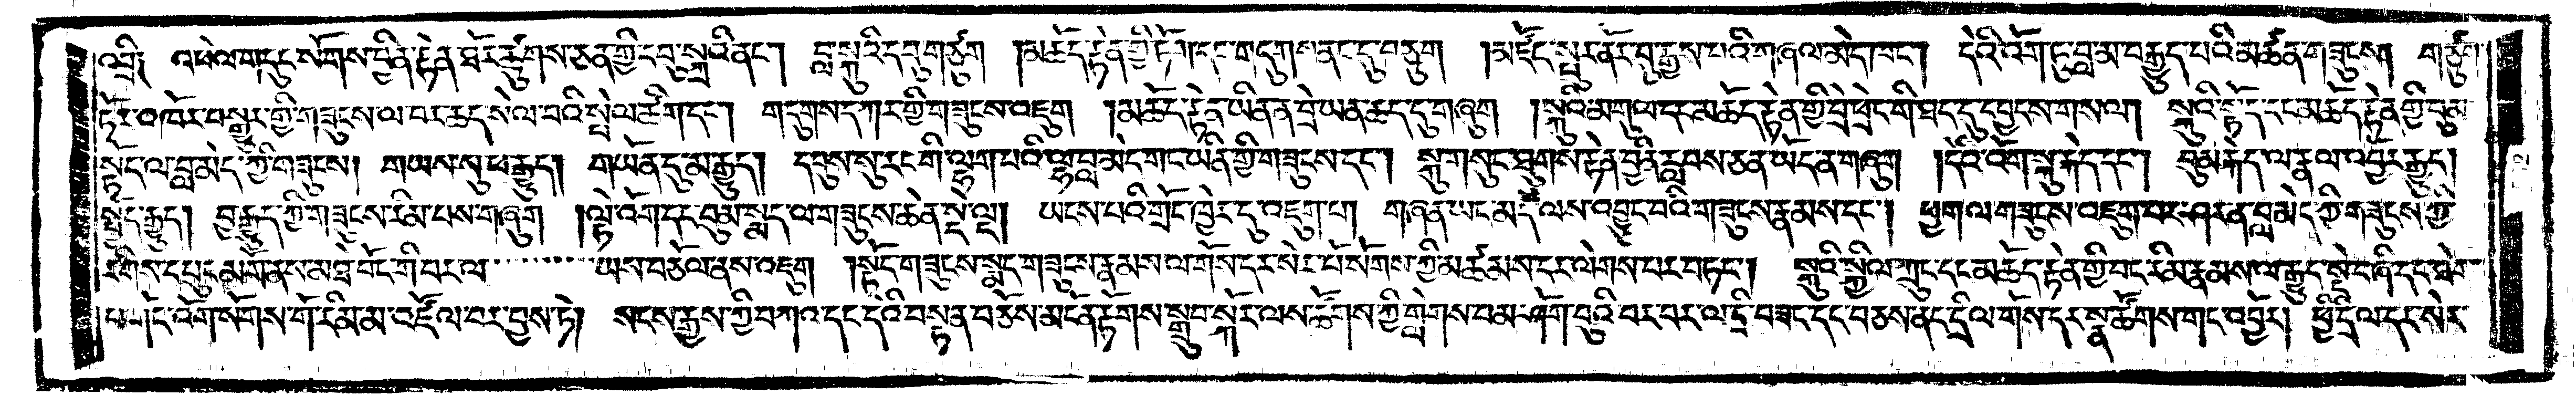འབྲི། འཕེལ་གདུང་སོགས་བྱིན་རྟེན་ཐོར་ཚུགས་ཅན་གྱི་དབུ་སྐྲའི་ནང་། བླ་སྐུའི་དབུ་གཙུག །མཆོད་རྟེན་གྱི་ཏོག་དང་གདུགས་ནང་དུ་བཅུག །མཛོད་སྤུར་ནོར་བུ་རྒྱས་པའི་གཞལ་མེད་ཁང་། དེའི་འོག་ཏུ་བླ་མ་བརྒྱུད་པའི་མཚན་གཟུངས། གཙུག་
ཏོར་འཁོར་བསྒྱུར་གྱི་གཟུངས་ལ་བར་ཆད་སེལ་བའི་སྤེལ་ཚིག་དང་། གདུགས་དཀར་གྱི་གཟུངས་འཇུག །མཆོད་རྟེན་ཡིན་ན་བྲེ་ཡན་ཆད་དུ་གཞུག །སྐུའི་མགུལ་དང་མཆོད་རྟེན་གྱི་བྲེ་ཕྲེང་གི་ཐང་དུ་དབྱངས་གསལ། སྐུའི་སྟོད་དང་མཆོད་རྟེན་གྱི་བུམ་སྟོད་ལ་བླ་མེད་ཀྱི་བཟུངས། གཡས་སུ་ཕ་རྒྱུད། གཡོན་དུ་མ་རྒྱུད། དབུས་སུ་རང་གི་ལྷག་པའི་ལྷ་བླ་མེད་གང་ཡིན་གྱི་གཟུངས་དང་། སྐུ་གསུང་ཐུགས་རྟེན་བྱིན་རླབས་ཅན་ཡོད་ན་གཞུག །དེའི་འོག་སྐུ་རྐེད་དང་། བུམ་རྐེད་ལ་རྣལ་འབྱོར་རྒྱུད།
སྤྱོད་རྒྱུད། བྱ་རྒྱུད་ཀྱི་གཟུངས་རིམ་པས་གཞུག །ལྟེ་འོག་དང་བུམ་སྨད་ལ་གཟུངས་ཆེན་སྡེ་ལྔ། ཡངས་པའི་གྲོང་ཁྱེར་དུ་འཇུག་པ། གཞན་ཡང་མད་ལས་འབྱུང་བའི་གཟུངས་རྣམས་དང་། ཕྱག་ལ་གཟུངས་འཇུག་བར་ཤར་ན་བླ་མེད་ཀྱི་གཟུངས་ཀྱི་
རིགས་དཔུང་མགོ་ནས་མཐེ་བོང་གི་བར་ལ་ཡས་བཅོལ་ནས་འཇུག །སྟོང་གཟུངས་སྨད་གཟུངས་རྣམས་ལ་གོས་དར་སེར་པོ་སོགས་ཀྱི་མཚམས་དང་ལེགས་པར་བཏང་། སྐུའི་སྐྱིལ་ཀྲུང་དང་མཆོད་རྟེན་གྱི་བང་རིམ་རྣམས་ལ་རྒྱུད་སྡེ་བཞི་དང་ཐེབ་
པ་གོང་འོག་སོགས་གོ་རིམ་མ་འཛོལ་བར་བྱས་ཏེ། སངས་རྒྱས་ཀྱི་བཀའ་དང་དེའི་བསྟན་བཅོས་མངོན་རྟོགས་སྒྲུབ་སྐོར་ལས་ཚོགས་ཀྱི་གླེགས་བམ་ཤོག་བུའི་བར་བར་ལ་དྲི་བཟང་དང་བཅས་ནང་དྲིལ་གོས་དར་སྣ་ཚོགས་གང་འབྱོར། ཕྱི་དྲིལ་དར་སེར་